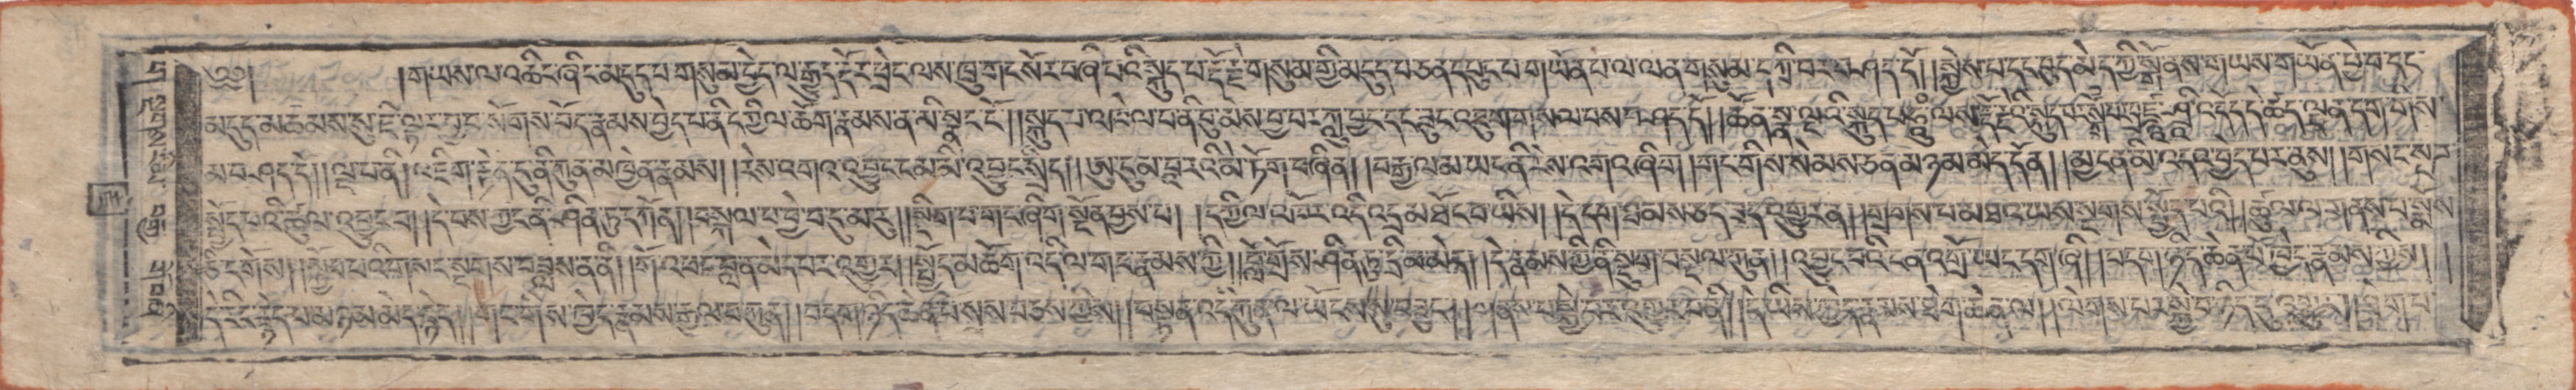༄༅། །གཡས་ལ་འཆིང་ཞིང་མདུད་པ་གསུམ་བྱེད་ལ་རྒྱུད་རྡོར་ཕྲེང་ལས་ཁྲུ་གང་སོར་བཞི་པའི་སྐུད་པ་རྡོ་རྗེ་གསུམ་གྱི་མདུད་པ་ཅན་དཔུང་པ་གཡོན་པ་ལ་ལན་གསུམ་དཀྲི་བར་བཤད་དོ། །སྐྱེས་པ་དང་བུད་མེད་ཀྱི་སྒོ་ནས་གཡས་གཡོན་ཕྱེ་བ་དང་
མདུད་མཚམས་སུ་ཇི་ལྟར་བྱ་བ་སོགས་བོད་རྣམས་བྱེད་པ་ནི་དཀྱིལ་ཆོག་རྣམས་ན་མི་སྣང་ངོ། །སྐུད་པ་འཁེལ་བ་ནི་བུ་མོས་བྱ་བར་ཀླུ་བྱང་དང་ཟུང་འཇུག་གསལ་བས་བཤད་དོ། །ཚོན་སྣ་ལྔའི་སྐུད་པ་ཧཱུཾ་ལས་རྡོ་རྗེའི་སྐུད་པར་སྒོཾ་པར་པྲཛྙཱ་ཤྲཱི་འདོད་དེ་ཚད་ལྡན་དག་གིས་
མ་བཤད་དོ། །ལྔ་པ་ནི། འཇིག་རྟེན་དུ་ནི་ཀུན་མཁྱེན་རྣམས། །རེས་འགའ་འབྱུང་ངམ་མི་འབྱུང་སྲིད། །ཨུ་དུམ་བཱ་རའི་མེ་ཏོག་བཞིན། །བརྒྱ་ལམ་ཡང་ནི་རེས་འགའ་ཞིག །གང་གིས་སེམས་ཅན་མཉམ་མེད་དོན། །མྱ་ངན་མི་འདའ་བྱེད་པར་ནུས། །གསང་སྔགས་
སྤྱོད་པའི་ཚུལ་འབྱུང་བ། །དེ་བས་ཀྱང་ནི་ཤིན་ཏུ་དཀོན། །བསྐལ་པ་བྱེ་བ་དུ་མ་རུ། །སྡིག་པ་གང་ཞིག་སྔོན་བྱས་པ། །དཀྱིལ་འཁོར་འདི་འདྲ་མཐོང་བ་ཡིས། །དེ་དག་ཐམས་ཅད་ཟད་འགྱུར་ན། །གྲགས་པ་མཐའ་ཡས་སྔགས་སྤྱོད་པའི། །ཚུལ་ལ་གནས་པ་སྨོས་
ཅི་དགོས། །སྐྱོབ་པའི་གསང་སྔགས་བཟླས་ན་ནི། །གོ་འཕང་བླ་ན་མེད་པར་འགྱུར། །སྤྱོད་མཆོག་འདི་ལ་གང་རྣམས་ཀྱི། །བློ་གྲོས་ཤིན་ཏུ་དྲི་མ་མེད། །དེ་རྣམས་ཀྱི་ནི་སྡུག་བསྔལ་ཀུན། །འབྱུང་བའི་ངན་འགྲོ་ཡང་དག་ཞི། །བདག་ཉིད་ཆེན་པོ་ཁྱེད་རྣམས་ཀྱིས། །
དེ་རིང་རྙེད་པ་མཉམ་མེད་རྙེད། །གང་གིས་ཁྱེད་རྣམས་རྒྱལ་བ་ཀུན། །བདག་ཉིད་ཆེན་པོ་སྲས་བཅས་ཀྱིས། །བསྟན་འདི་ཀུན་ལ་ཡོངས་སུ་བཟུང་། །གནས་པ་སྐྱེ་བར་འགྱུར་བ་ནི། །དེ་ཡིས་ཁྱེད་རྣམས་ཐེག་ཆེན་ལ། །ལེགས་པར་སྐྱེ་བ་ཉིད་དུ་འགྱུར། །ཐེག་པ་